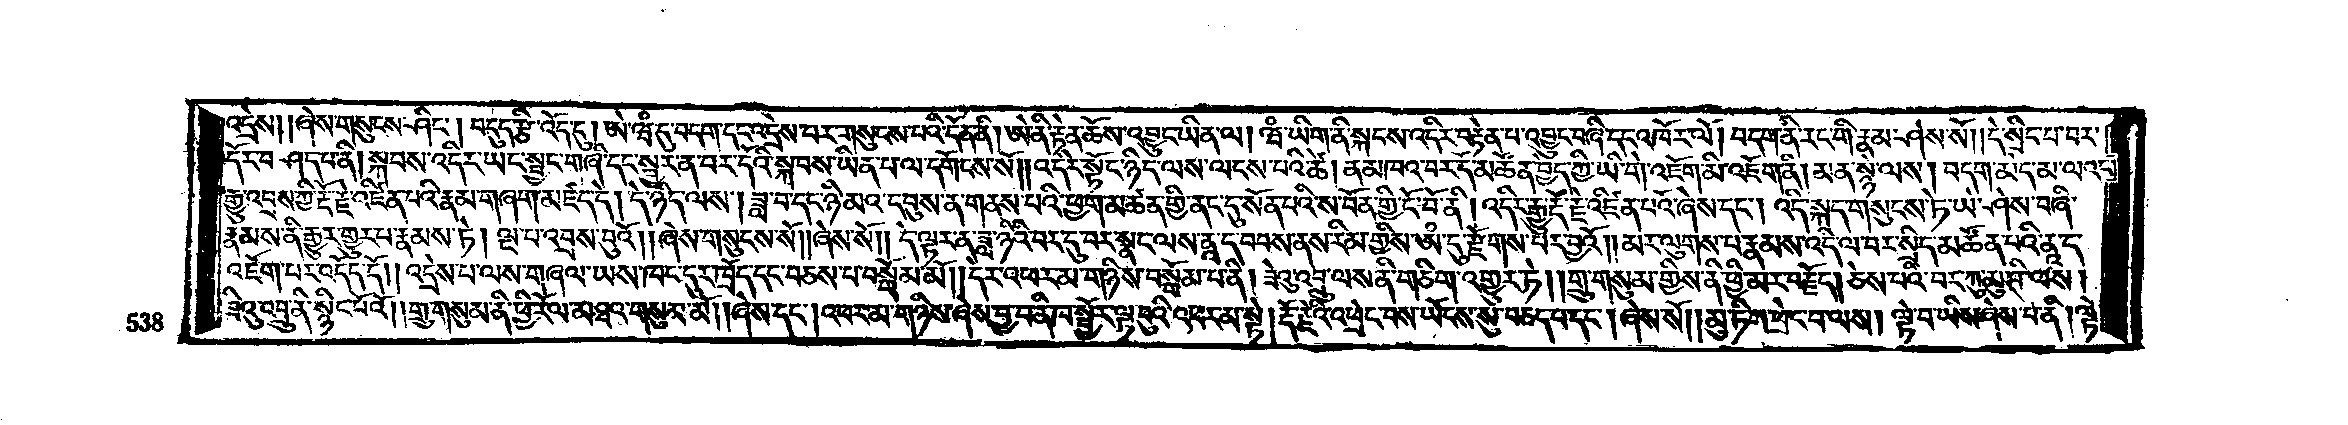འདྲེས། །ཞེས་གསུངས་ཤིང་། བདུད་རྩི་འོད་དུ། ཨེ་ཝཾ་དུ་བདག་དང་འདྲེས་པར་གསུངས་པའི་དོན་ནི། ཨེ་ནི་རྟེན་ཆོས་འབྱུང་ཡིན་ལ། ཝཾ་ཡིག་ནི་སྐབས་འདིར་བརྟེན་པ་འབྱུང་བཞི་དང་འཁོར་ལོ། བདག་ནི་རང་གི་རྣམ་ཤེས་སོ། །དེ་སྲིད་པ་བར་
དོར་བཤད་པ་ནི། སྐབས་འདིར་ཡང་སྦྱང་གཞི་དང་སྦྱར་ན་བར་དོའི་སྐབས་ཡིན་པ་ལ་དགོངས་སོ། །འདིར་སྟོང་ཉིད་ལས་ལངས་པའི་ཚེ། ནམ་མཁའ་བར་དོ་མཚོན་བྱེད་ཀྱི་ཡི་གེ་འཇོག་མི་འཇོག་ནི། མན་སྙེ་ལས། བདག་མེད་མ་ལའང་
རྒྱུ་འབྲས་ཀྱི་རྡོ་རྗེ་འཛིན་པའི་རྣམ་གཞག་མཛད་དེ། དེ་ཉིད་ལས། ཟླ་བ་དང་ཉི་མའི་དབུས་ན་གནས་པའི་ཕྱག་མཚན་གྱི་ནང་དུ་སོན་པའི་ས་བོན་གྱི་ངོ་བོ་ནི། འདིར་རྒྱུ་རྡོ་རྗེ་འཛིན་པའོ་ཞེས་དང་། འདི་སྐད་གསུངས་ཏེ་ཡེ་ཤེས་བཞི་
རྣམས་ནི་རྒྱུར་གྱུར་པ་རྣམས་ཏེ། ལྔ་པ་འབྲས་བུའོ། །ཞེས་གསུངས་སོ། །ཞེས་སོ། །དེ་ལྟར་ན་ཟླ་ཉིའི་བར་དུ་བར་སྣང་ལས་ནཱ་ད་བབས་ནས་རིམ་གྱིས་ཨཾ་དུ་རྫོགས་པར་བྱའོ། །མར་ལུགས་པ་རྣམས་འདི་ལ་བར་སྲིད་མཚོན་པའི་ནཱ་ད་
འཇོག་པར་འདོད་དོ། །འདྲེས་པ་ལས་གཞལ་ཡས་ཁང་དུར་ཁྲོད་དང་བཅས་པ་བསྒོམ་མོ། །དེར་འཕར་མ་གཉིས་བསྒོམ་པ་ནི། ཟེའུ་འབྲུ་ལས་ནི་གཅིག་འགྱུར་ཏེ། །གྲུ་གསུམ་གྱིས་ནི་ཕྱི་མར་བརྗོད། ཅེས་པའི་བར་ཀུ་མུ་ཊི་ལས།
ཟིའུ་འབྲུ་ནི་སྙིང་པོའོ། །གྲུ་གསུམ་ནི་ཕྱི་རོལ་མཐའ་གསུམ་མོ། །ཞེས་དང་། འཕར་མ་གཉིས་ཞེས་བྱ་བ་ནི་ཁ་སྦྱོར་ལྟ་བུའི་འཕར་མ་སྟེ། རྡོ་རྗེའི་འཕྲེང་བས་ཡོངས་སུ་བཅད་པ་དང་། ཞེས་སོ། །མུ་ཏིག་ཕྲེང་བ་ལས། ལྟེ་བ་ཡིས་ཞེས་པ་ནི། ལྟེ་